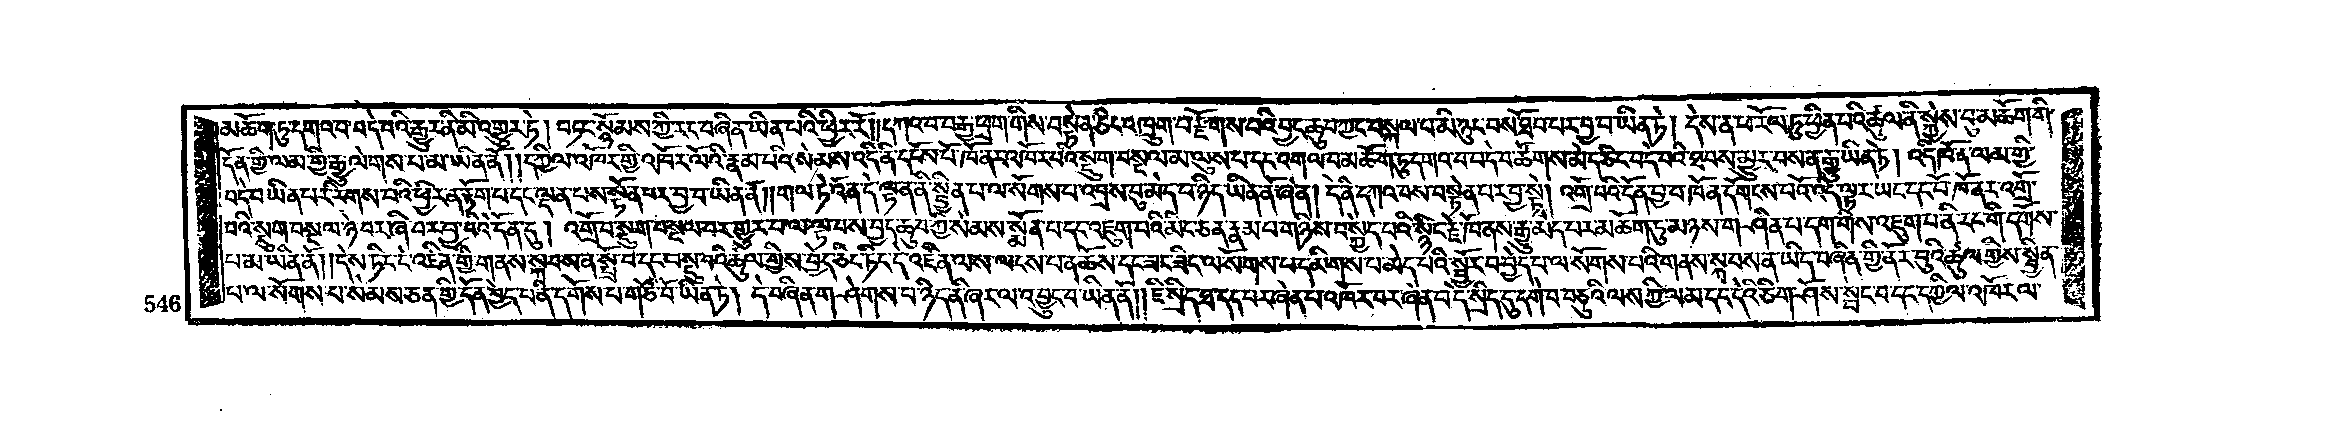མཆོག་ཏུ་དགའ་བ་བདེ་བའི་རྒྱུར་ནི་མི་འགྱུར་ཏེ། བཏང་སྙོམས་ཀྱི་རང་བཞིན་ཡིན་པའི་ཕྱིར་རོ། །དཀའ་བ་བརྒྱ་ཕྲག་གིས་བསྟེན་ཅིང་འཁྲུག་པ་རྫོགས་པའི་བྱང་ཆུབ་ཀྱང་བསྐལ་པ་མི་ཉུང་བས་ཐོབ་པར་བྱ་བ་ཡིན་ཏེ། དེས་ན་ཕ་རོལ་ཏུ་ཕྱིན་པའི་ཚུལ་ནི་སྐྱེས་བུ་མཆོག་གི་
དོན་གྱི་ལམ་གྱི་རྒྱུ་ལེགས་པ་མ་ཡིན་ནོ། །དཀྱིལ་འཁོར་གྱི་འཁོར་ལོའི་རྣམ་པའི་སེམས་འདི་ནི་དངོས་པོ་ཁོ་ནར་འཁོར་བའི་སྡུག་བསྔལ་མ་ལུས་པ་དང་འགལ་བ་མཆོག་ཏུ་དགའ་བ་བདེ་བ་ཚོགས་མེད་ཅིང་བདེ་བའི་ཐབས་མྱུར་བས་ན་རྒྱུ་ཡིན་ཏེ། འདི་ཁོ་ན་ལམ་གྱི་
བདེ་བ་ཡིན་པར་རིགས་པའི་ཕྱིར་ན་རྟོག་པ་དང་ལྡན་པས་སྟོན་པར་བྱ་བ་ཡིན་ནོ། །གལ་ཏེ་འོ་ན་དེ་ལྟ་ན་ནི་སྦྱིན་པ་ལ་སོགས་པ་འབྲས་བུ་མེད་པ་ཉིད་ཡིན་ནོ་ཞེ་ན། ད་ནི་དཀའ་བས་བསྟེན་པར་བྱ་སྟེ། འགྲོ་བའི་དོན་བྱ་བ་ཁོ་ན་དགོངས་པའོ་འདི་ལྟར་ཡང་དང་པོ་ཁོ་ནར་འགྲོ་
བའི་སྡུག་བསྔལ་ཉེ་བར་ཞི་བར་བྱ་བའི་དོན་དུ། འགྲོ་བ་སྡུག་བསྔལ་བར་གྱུར་པ་ལ་ལྟ་བས་བྱང་ཆུབ་ཀྱི་སེམས་སྨོན་པ་དང་འཇུག་པའི་མིང་ཅན་རྣམ་པ་གཉིས་བསྐྱེད་པའི་སྙིང་རྗེ་ཁོ་ནས་རྒྱུ་མེད་པར་མཆོག་ཏུ་མཉས་གཤིན་པ་དག་གིས་འཇུག་པ་ནི་རང་གི་དགོས་
པ་མ་ཡིན་ནོ། །དེས་ཏིང་ངེ་འཛིན་གྱི་གནས་སྐབས་ན་སྤྲོ་བ་དང་བསྡུ་བའི་ཚུལ་གྱིས་བྱེད་ཅིང་ཏིང་ངེ་འཛིན་ལས་ལངས་པ་ན་ཆོས་དང་ཟང་ཟིང་ལ་སོགས་པ་དམིགས་པ་མེད་པའི་སྦྱོར་བ་བྱེད་པ་ལ་སོགས་པའི་གནས་སྐབས་ན་ཡིད་བཞིན་གྱི་ནོར་བུའི་ཚུལ་གྱིས་སྦྱིན་
པ་ལ་སོགས་པ་སེམས་ཅན་གྱི་དོན་བྱེད་པ་ནི་དགོས་པ་གཙོ་བོ་ཡིན་ཏེ། དེ་བཞིན་གཤེགས་པ་ཉིད་ནི་ཞར་ལ་འབྱུང་བ་ཡིན་ནོ། །ཇི་སྲིད་ཐ་དད་པར་ཞེན་པ་འཁོར་བར་ཞེན་པ་དེ་སྲིད་དུ་དགེ་བ་བཅུའི་ལས་ཀྱི་ལམ་དང་དེའི་ཅིག་ཤོས་སྤང་བ་དང་དཀྱིལ་འཁོར་ལ་